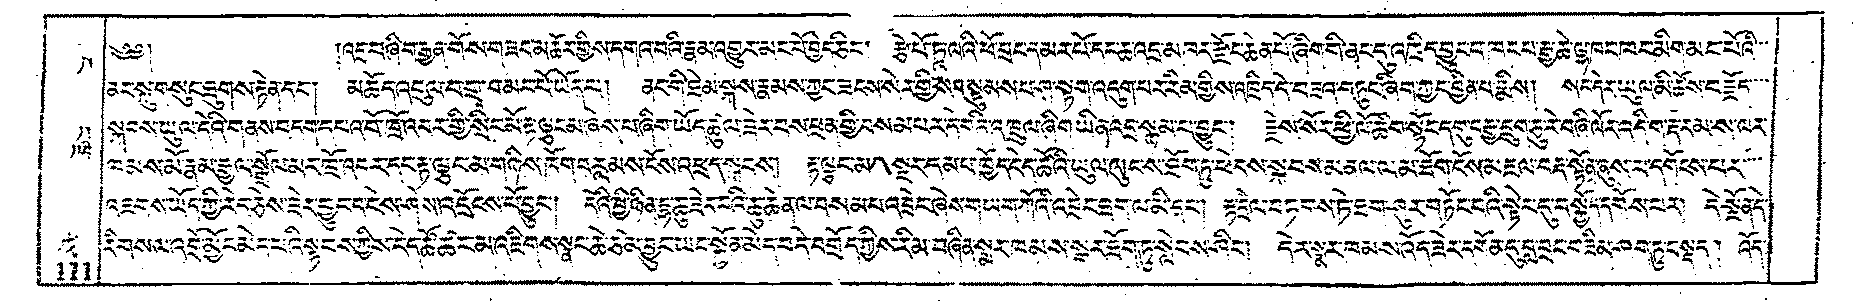༄༅། །འདྲ་བཞིག་རྒྱན་གོས་གཟབ་མཆོར་གྱིས་དགའ་བའི་རྣམ་འགྱུར་མང་པོ་བྱེད་ཅིང་། རྩེ་པོ་ཏཱ་ལའི་ཕོ་བྲང་དམར་པོ་དང་ཆ་འདྲ་མཁར་རྫོང་ཆེན་པོ་ཞིག་གི་ནང་དུ་འཁྲིད་བྱུང་བ་ཁང་པ་རྒྱ་ཆེ་ལྷ་ཁང་ཁང་མིག་མང་པོའི་
ནང་སྐུ་གསུང་ཐུགས་རྟེན་དང་། མཆོད་འབུལ་བ་གྲྭ་བ་མང་པོ་ཡོད་པ། ནང་གི་ཐེམ་སྐས་རྣམས་ཀྱང་ཟངས་སེར་གྱིས་བསྟུམས་པ་ཤ་སྟག་འདུག་པར་རིམ་གྱིས་འཁྲིད་དེ་བཟའ་བཏུང་ཞིག་ཀྱང་བྱིན་པ་རྨིས། སང་དེར་ཡུལ་མི་ཚོས་བརྗོད་
སྐབས་ཡུལ་དེའི་གནས་བདག་དཔའ་བོ་ཁྲོ་འབར་གྱི་སྲིང་མོ་རྟ་ལྕང་མ་ཞེས་པ་ཞིག་ཡོད་ཚུལ་ཟེར་བས་ཕྲན་གྱི་བསམ་པར་དེ་གའི་འཁྲུལ་ཞིག་ཡིན་འདྲ་སྙམ་པ་བྱུང་། རྗེས་སོར་ཕྱི་ལོ་ཆིག་སྟོང་དགུ་བརྒྱ་དྲུག་ཅུ་རེ་བཞི་ལོར་འདི་ག་རྡ་རམ་ས་ལར་
ཁམས་མོ་རྣམ་རྒྱལ་སྒྲོལ་མར་ཁྲོ་འབར་དང་རྟ་ལྕང་མ་གཉིས་ཁོག་བརླམས་ངོས་འཕྲད་སྐབས། རྟ་ལྕང་མ་སྔར་དམ་པ་ཁྱོད་ངེད་ཚོའི་ཡུལ་ལུང་ས་ཐོག་ཏུ་ཕེབས་སྐབས་མནལ་ལམ་ཐོག་ངོས་མཇལ་བརྡ་སྟོན་ཞུས་པ་དགོངས་པར་
འཇགས་ཡོད་ཀྱི་རེད་ཅེས་ཟེར་བྱུང་བ་ངེས་ཤེས་འདྲོངས་པོ་བྱུང་། དེའི་ཕྱི་ཉིན་དྷ་ཆུ་ཟེར་བའི་ཆུ་ཆེན་ལ་བསམ་པ་འབྲེང་ཞེས་གཡག་ཀོའི་འབྲེང་ཐག་ལ་མི་དང་། རྟ་དྲེལ་བཏགས་ཏེ་ཐག་ཤུར་གཏོང་བའི་སྟེང་དུ་བསྐྱོད་དགོས་པར། དེ་སྔོན་དེ་
རིགས་ལ་འགྲོ་མྱོང་མེད་པའི་སྟབས་ཀྱིས་ངེད་ཚོ་ཚང་མ་འཇིགས་སྣང་ཆེ་ཙམ་བྱུང་ཡང་སྐྱོན་མེད་བདེ་བགྲོད་ཀྱིས་རིམ་བཞིན་སྨར་ཁམས་སྒར་ཐོག་ཏུ་སླེབས་ཤིང་། དེར་སྨར་ཁམས་འོད་ཟེར་དགོན་དུ་བླ་བྲང་གཟིམ་ཤག་ཏུ་བསྡད། འོད་